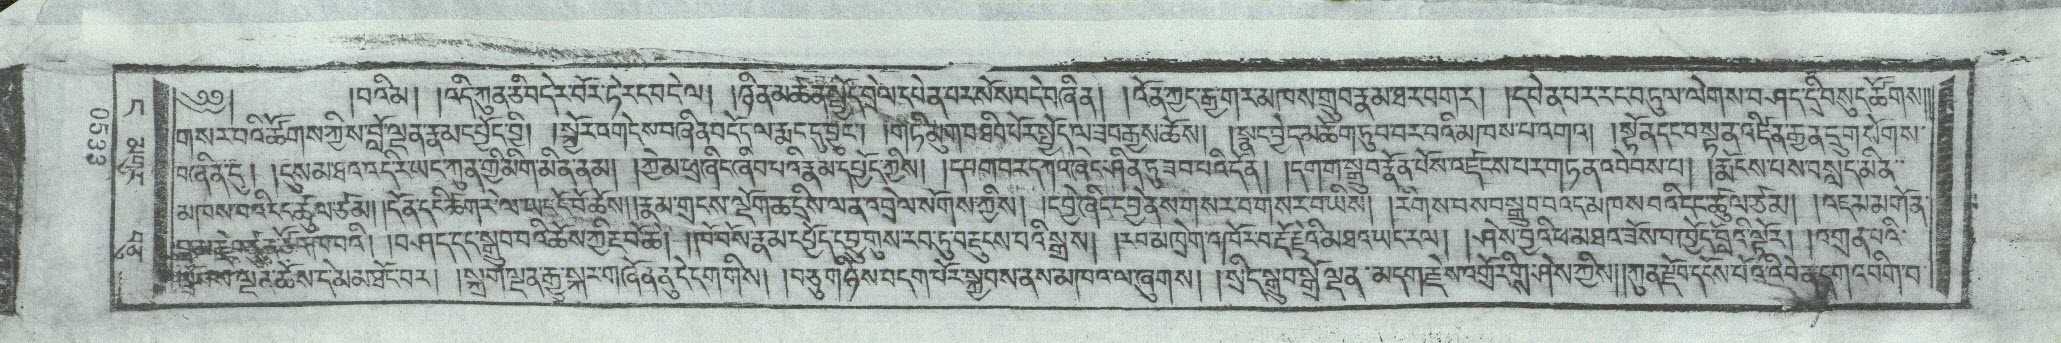༄༅། །བའི་མ། །འདི་ཀུན་ཅི་བདེར་བོར་ཏེ་རང་བདེ་ལ། །ཉིན་མཚན་སྤྱོད་བྲེལ་དཔེན་བར་སོས་བདེ་བཞིན། །འོན་ཀྱང་རྒྱ་གར་མཁས་གྲུབ་རྣམ་ཐར་བགར། །དཔེན་པར་རང་བཏུལ་ལེགས་བཤད་དྲི་བསུད་ཚོགས། །
གསར་བའི་ཚོགས་ཀྱིས་བློ་ལྡན་རྣམ་དཔྱོད་བྱི། །སྐྱོར་འགྡེས་བཞིན་བདོད་ལ་རྨང་དུ་བྱུང་། །གཏི་མུག་བྠིབ་པོར་སྤྱོད་ལ་ཟབ་རྒྱས་ཆོས། །སྣང་བྱེད་མཆོག་ཏུབ་བར་བའི་མཁས་པར་འགའ། །སྟོན་དང་བསྟན་འཛིན་རྒྱན་དྲུག་པོགས་
བཞིན་དུ། །དུས་མཐའ་འདིར་ཡང་ཀུན་གྱི་མིག་མིན་ནམ། །ཀྱེ་མ་ཕྲ་ཞིབ་པའི་རྣམ་དཔྱོད་ཀྱིས། །དཔག་བར་དཀའ་ཞེང་ཤིན་ཏུ་ཟབ་པའི་དོན། །དགག་སྒྲུབ་རྣོན་པོས་འཛངས་པར་གཏན་འབེབས་པ། །རྨོངས་པས་བསླད་མིན་
མཁས་པའི་དང་ཚུལ་ཙམ། །དོན་དང་ཚིག་རེ་ལ་ཡང་ངོ་བོ་ཆོས། །རྣམ་གྲངས་སྡོག་ཆ་དྲིས་ལན་འབྲེལ་སོགས་ཀྱིས། །དབྱེ་ཞིང་དབྱེ་ནས་གསར་བ་ཡིས། །རིགས་པས་བསྒྲུབ་བའད་མཁས་བའི་དང་ཚུལ་ཙམ། །འཇམ་མགོན་
བླ་མ་རྗེ་བཙུན་ཙོང་ཁ་བའི། །བཤད་དང་སྒྲུབ་བའི་ཆོས་ཀྱི་རྔ་བོ་ཆེ། །ཁོ་བོས་རྣམ་དཔྱོད་དབྱུང་གུས་རབ་ཏུ་བརྡུངས་པའི་སྒྲས། རབ་མཁྲེག་འཁོར་བ་རྔོ་རྗེའི་མཐའ་ཡང་རལ། །ཤེས་བྱའི་ཕ་མཐའ་ཟོས་བ་ཁྱོད་བློའི་ལྟོར། །གྲན་པའི་
སྦོབས་ལྡན་ཆོས་དེ་མ་མཐོང་བར། །སྐྲག་ལྡན་རྒྱུ་སྐར་གཞོན་ནུ་དེ་དག་གིས། །བཅུ་གཉིས་བདག་པོར་སྐྱབས་ནས་མཁའ་ལ་ཞུགས། །སྲིད་སྒྲུབ་སྒྲོ་ལྡན་མདག་རྗེས་འགྲོ་རིགས་ཤེས་ཀྱིས། །ཀུན་རྫོབ་དངོས་པོའིའི་བེན་དགའ་བིག་བ་